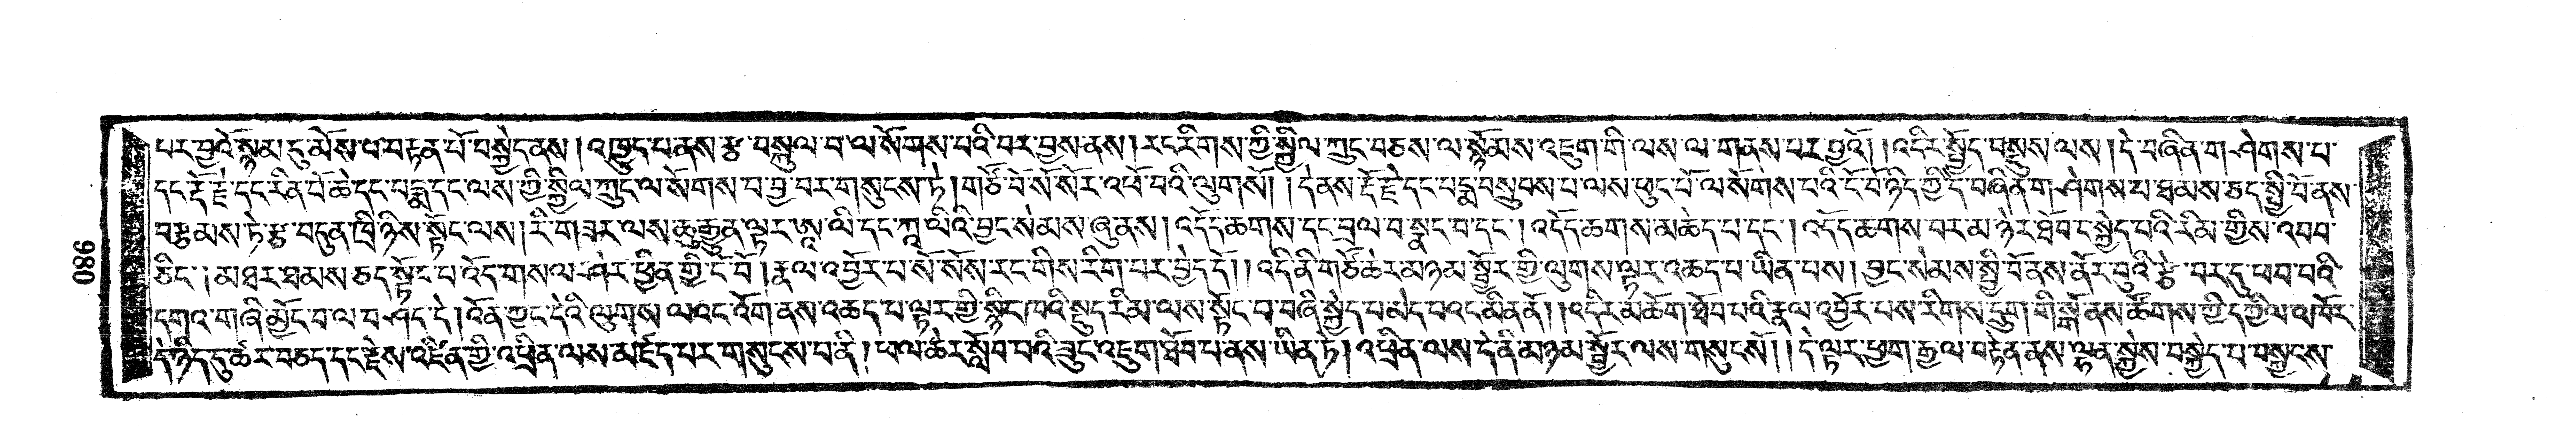པར་བྱའོ་སྙམ་དུ་མོས་པ་བརྟན་པོ་བསྐྱེད་ནས། འཁྱུད་པ་ནས་རྩ་བསྐུལ་བ་ལ་སོགས་པའི་བར་བྱས་ནས། རང་རིགས་ཀྱི་སྐྱིལ་ཀྲུང་བཅས་ལ་སྙོམས་འཇུག་གི་ལས་ལ་གནས་པར་བྱའོ། །འདིར་སྤྱོད་བསྡུས་ལས། དེ་བཞིན་གཤེགས་པ་
དང་རྡོ་རྗེ་དང་རིན་པོ་ཆེ་དང་པདམ་དང་ལས་ཀྱི་སྐྱིལ་ཀྲུང་ལ་སོགས་པ་བྱ་བར་གསུངས་ཏེ། གཙོ་བོ་སོ་སོར་འཕོ་བའི་ལུགས་སོ། །དེ་ནས་རྡོ་རྗེ་དང་པདམ་བསྲུབས་པ་ལས་ཕུང་པོ་ལ་སོགས་པའི་ངོ་བོ་ཉིད་ཀྱི་དེ་བཞིན་གཤེགས་པ་ཐམས་ཅད་སྤྱི་བོ་ནས་
བརྩམས་ཏེ་རྩ་བདུན་ཁྲི་ཉིས་སྟོང་ལས། རི་གཟར་ལས་ཆུ་རྒྱུན་ལྟར་ཨཱ་ལི་དང་ཀཱ་ལིའི་བྱང་སེམས་ཞུ་ནས། འདོད་ཆགས་དང་བྲལ་བ་སྣང་བ་དང་། འདོད་ཆགས་མཆེད་པ་དང་། འདོད་ཆགས་བར་མ་ཉེར་ཐོབ་བསྐྱེད་པའི་རིམ་གྱིས་འབབ་
ཅིང་། མཐར་ཐམས་ཅད་སྟོང་པ་འོད་གསལ་ཤེར་ཕྱིན་གྱི་ངོ་བོ། རྣལ་འབྱོར་པ་སོ་སོས་རང་གིས་རིག་པར་བྱེད་དོ། །འདི་ནི་གཙོ་ཆེར་མཉམ་སྦྱོར་གྱི་ལུགས་ལྟར་འཆད་པ་ཡིན་པས། བྱང་སེམས་སྤྱི་བོ་ནས་ནོར་བུའི་རྩེ་བར་དུ་ཕབ་པའི་
དགའ་གཞི་མྱོང་བ་ལ་བཤད་དེ། འོན་ཀྱང་དེའི་ལུགས་ལའང་འོག་ནས་འཆད་པ་ལྟར་གྱི་སྙིང་ཁའི་སྡུད་རིམ་ལས་སྟོང་པ་བཞི་སྐྱེད་པ་མེད་པའང་མིན་ནོ། །འདིར་མཆོག་ཐོབ་པའི་རྣལ་འབྱོར་པས་རིགས་དྲུག་གི་སྒོ་ནས་ཚོགས་ཀྱི་དཀྱིལ་འཁོར་
དེ་ཉིད་དུ་ཚར་བཅད་དང་རྗེས་འཛིན་གྱི་འཕྲིན་ལས་མཛད་པར་གསུངས་པ་ནི། ཕལ་ཆེར་སློབ་པའི་ཟུང་འཇུག་ཐོབ་པ་ནས་ཡིན་ཏེ། འཕྲིན་ལས་དེ་ནི་མཉམ་སྦྱོར་ལས་གསུངས་སོ། །དེ་ལྟར་ཕྱག་རྒྱ་ལ་བརྟེན་ནས་ལྷན་སྐྱེས་བསྐྱེད་པ་བསྐྱངས་